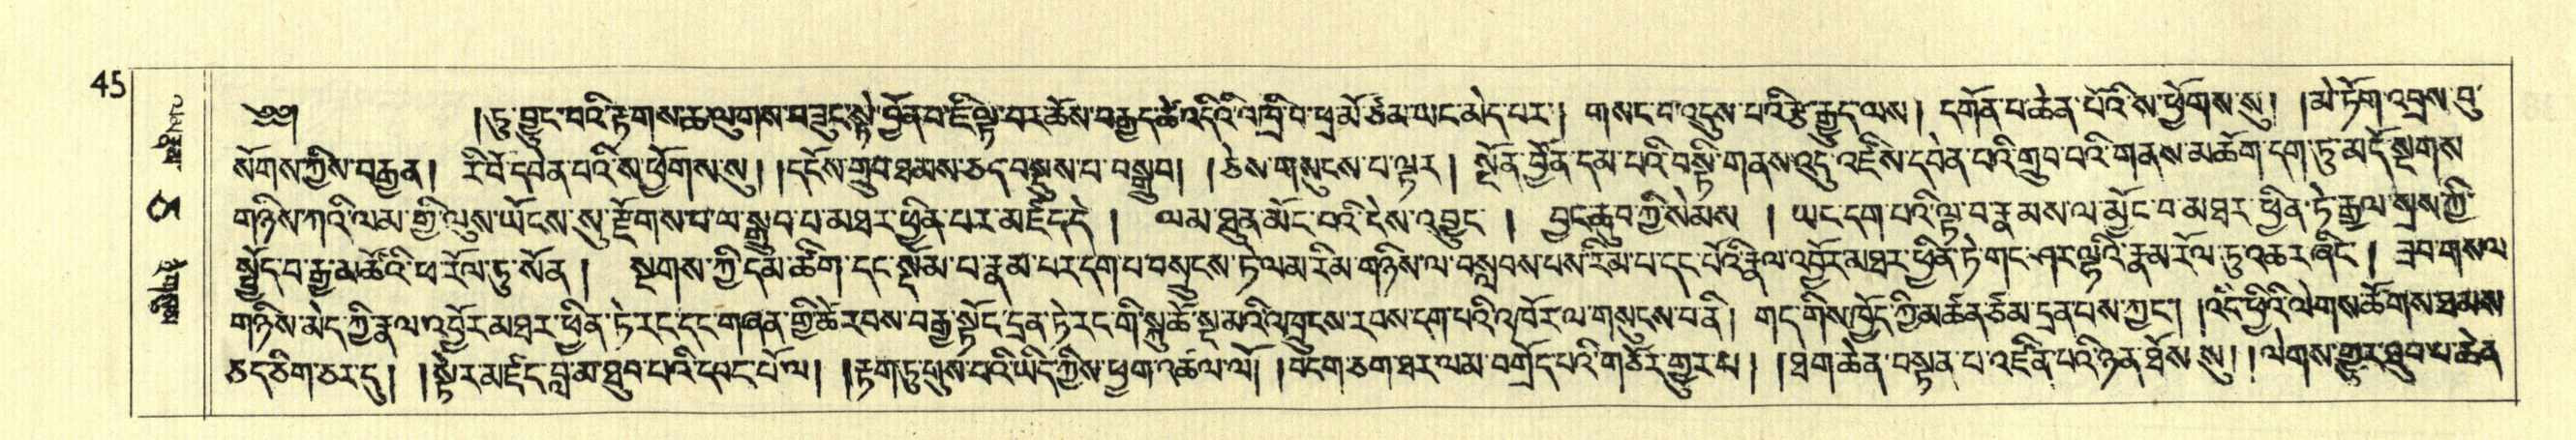༄༅། །ཏུ་བྱུང་བའི་རྟགས་ཆ་ལུགས་བཟུང་སྟེ་བྱོན་པ་ཇི་ལྟ་བར་ཆོས་བརྒྱད་ཚེ་འདིའི་འཁྲི་བ་ཕྲ་མོ་ཙམ་ཡང་མེད་པར། གསང་བ་འདུས་པའི་རྩ་རྒྱུད་ལས། དགོན་པ་ཆེན་པོའི་ས་ཕྱོགས་སུ། །མེ་ཏོག་འབྲས་བུ་
སོགས་ཀྱིས་བརྒྱན། རི་བོ་དབེན་པའི་ས་ཕྱོགས་སུ། །དངོས་གྲུབ་ཐམས་ཅད་བསྡུས་པ་བསྒྲུབ། །ཅེས་གསུངས་པ་ལྟར། སྔོན་བྱོན་དམ་པའི་བསྟི་གནས་འདུ་འཛིས་དབེན་པའི་གྲུབ་པའི་གནས་མཆོག་དག་ཏུ་མདོ་སྔགས་
གཉིས་ཀའི་ལམ་གྱི་ལུས་ཡོངས་སུ་རྫོགས་པ་ལ་སྒྲུབ་པ་མཐར་ཕྱིན་པར་མཛད་དེ། ལམ་ཐུན་མོང་བའི་དེས་འབྱུང་། བྱང་ཆུབ་ཀྱི་སེམས་།ཡང་དག་པའི་ལྟ་བ་རྣམས་ལ་མྱོང་བ་མཐར་ཕྱིན་ཏེ་རྒྱལ་སྲས་ཀྱི་
སྤྱོད་བ་རྒྱ་མཚོའི་ཕ་རོལ་ཏུ་སོན། སྔགས་ཀྱི་དམ་ཚིག་དང་སྡོམ་པ་རྣམ་པར་དག་པ་བསྲུངས་ཏེ་ལམ་རིམ་གཉིས་ལ་བསླབས་པས་རིམ་པ་དང་པོའི་རྣལ་འབྱོར་མཐར་ཕྱིན་ཏེ་གང་ཤར་ལྷའི་རྣམ་རོལ་ཏུ་འཆར་ཞིང་། ཟབ་གསལ་
གཉིས་མེད་ཀྱི་རྣལ་འབྱོར་མཐར་ཕྱིན་ཏེ་རང་དང་གཞན་གྱི་ཚེ་རབས་བརྒྱ་སྟོང་དྲན་ཏེ་རང་གི་སྐུ་ཚེ་སྔ་མའི་འཁྲུངས་རབས་དག་པའི་འཁོར་ལ་གསུངས་པ་ནི། གད་གིས་ཁྱོད་ཀྱི་མཚན་ཙམ་དྲན་པས་ཀྱང་། །འདི་ཕྱིའི་ལེགས་ཚོགས་ཐམས་
ཅད་ཅིག་ཅར་དུ། །སྟེར་མཛད་བླ་མ་ཐུབ་པའི་དབང་པོ་ལ། །རྟག་ཏུ་གུས་པའི་ཡིད་ཀྱིས་ཕྱག་འཚལ་ལོ། །བདག་ཅག་ཐར་ལམ་བགྲོད་པའི་གཅོར་གྱུར་པ། །ཐག་ཆེན་བསྟན་པ་འཛིན་པའི་ཉན་ཐོས་སུ། །ལེགས་གྱུར་ཐུབ་པ་ཆེན་